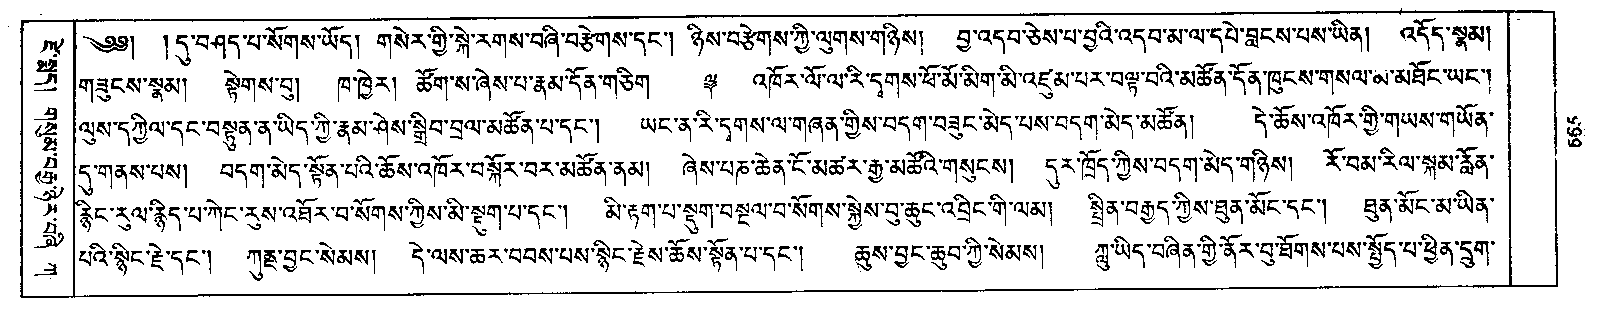༄༅། །དུ་བཤད་པ་སོགས་ཡོད། གསེར་གྱི་སྐེ་རགས་བཞི་བརྩེགས་དང་། ཉིས་བརྩེགས་ཀྱི་ལུགས་གཉིས། བྱ་འདབ་ཅེས་པ་བྱའི་འདབ་མ་ལ་དཔེ་བླངས་པས་ཡིན། འདོད་སྣམ།
གཟུངས་སྣམ། སྟེགས་བུ། ཁ་ཁྱེར། ཚོགས་ཞེས་པ་རྣམ་དོན་གཅིག ༈ འཁོར་ལོ་ལ་རི་དྭས་ཕོ་མོ་མིག་མི་འཛུམ་པར་བལྟ་བའི་མཚོན་དོན་ཁུངས་གསལ་མ་མཐོང་ཡང་།
ལུས་དཀྱིལ་དང་བསྟུན་ན་ཡིད་ཀྱི་རྣམ་ཤེས་སྒྲིབ་བྲལ་མཚོན་པ་དང་། ཡང་ན་རི་དྭགས་ལ་གཞན་གྱིས་བདག་བཟུང་མེད་པས་བདག་མེད་མཚོན། དེ་ཆོས་འཁོར་གྱི་གཡས་གཡོན་
དུ་གནས་པས། བདག་མེད་སྟོན་པའི་ཆོས་འཁོར་བསྐོར་བར་མཚོན་ནམ། ཞེས་པཎ་ཆེན་ངོ་མཚར་རྒྱ་མཚོའི་གསུངས། དུར་ཁྲོད་ཀྱིས་བདག་མེད་གཉིས། རོ་བམ་རིལ་སྐམ་རློན་
རྙིང་རུལ་རྙིད་པ་ཀེང་རུས་འཐོར་བ་སོགས་ཀྱིས་མི་སྡུག་པ་དང་། མི་རྟག་པ་སྡུག་བསྔལ་བ་སོགས་སྐྱེས་བུ་ཆུང་འབྲིང་གི་ལམ། སྤྲིན་བརྒྱད་ཀྱིས་ཐུན་མོང་དང་། ཐུན་མོང་མ་ཡིན་
པའི་སྙིང་རྗེ་དང་། ཀུནྡ་བྱང་སེམས། དེ་ལས་ཆར་བབས་པས་སྙིང་རྗེས་ཆོས་སྟོན་པ་དང་། ཆུས་བྱང་ཆུབ་ཀྱི་སེམས། ཀླུ་ཡིད་བཞིན་གྱི་ནོར་བུ་ཐོགས་པས་སྤྱོད་པ་ཕྱིན་དྲུག་